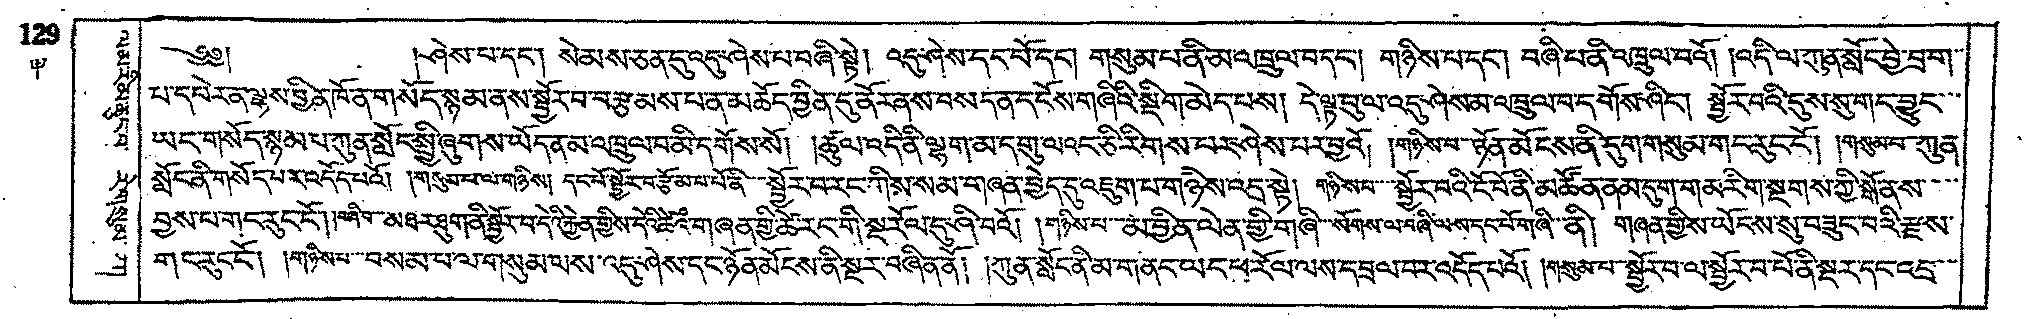༄༅། །ཤེས་པ་དང་། སེམས་ཅན་དུ་འདུ་ཤེས་པ་བཞི་སྟེ། འདུ་ཤེས་དང་པོ་དང་། གསུམ་པ་ནི་མ་འཁྲུལ་བ་དང་། གཉིས་པ་དང་། བཞི་པ་ནི་འཁྲུལ་བའོ། །འདི་ལ་ཀུན་སློང་བྱེ་བྲག་
པ་དཔེར་ན་ལྷས་བྱིན་ཁོ་ན་གསོད་སྙམ་ནས་སྦྱོར་བ་བརྩམས་པ་ན་མཆོད་བྱིན་དུ་ནོར་བྱས་བསད་ན་དངོས་གཞིའི་སྡིག་མེད་པས། དེ་ལྟ་བུ་ལ་འདུ་ཤེས་མ་འཁྲུལ་བ་དགོས་ཤིང་། སྦྱོར་བའི་དུས་སུ་གང་བྱུང་
ཡང་གསོད་སྙམ་པ་ཀུན་སློང་སྤྱི་ཞུགས་ཡོད་ན་མ་འཁྲུལ་བ་མི་དགོས་སོ། །ཚུལ་འདི་ནི་ལྷག་མ་དགུ་ལའང་ཅི་རིགས་པར་ཤེས་པར་བྱའོ། །གཉིས་པཉོན་མོངས་ནི་དུག་གསུམ་གང་རུང་ངོ། །གསུམ་པཀུན་
སློང་གི་གསོད་པར་འདོད་པའོ། །གསུམ་པ་ལ་གཉིས། དང་པོར་སྦྱོར་བ་རྩོམ་པ་པོ་ནིསྦྱོར་བ་རང་གིས་སམ་གཞན་བྱེད་དུ་འཇུག་པ་གཉིས་འདྲ་སྟེ། གཉིས་པསྦྱོར་བའི་ངོ་བོ་ནི་མཚོན་ནམ་དུག་གམ་རིག་སྔགས་ཀྱི་སྒོ་ནས་
བྱས་པ་གང་རུང་ངོ། །བཞི་པམཐར་ཐུག་ནི་སྦྱོར་བ་དེའི་རྐྱེན་གྱིས་དེའི་ཚེའཾ་གཞན་གྱི་ཚེ་རང་གི་སྔ་རོལ་དུ་ཤི་བའོ། །གཉིས་པམ་བྱིན་ལེན་གྱི་གཞིསོགས་ལ་བཞི་ལས་དང་པོ་གཞིནི། གཞན་གྱིས་ཡོངས་སུ་བཟུང་བའི་རྫས་
གང་རུང་ངོ། །གཉིས་པབསམ་པ་ལ་གསུམ་ལས་འདུ་ཤེས་དང་ཉོན་མོངས་ནི་སྔར་བཞིན་ནོ། །ཀུན་སློང་ནི་མ་གནང་ཡང་ཕ་རོལ་ལས་དབྲལ་བར་འདོད་པའོ། །གསུམ་པསྦྱོར་བ་ལ་སྦྱོར་བ་པོ་ནི་སྔར་དང་འདྲ་